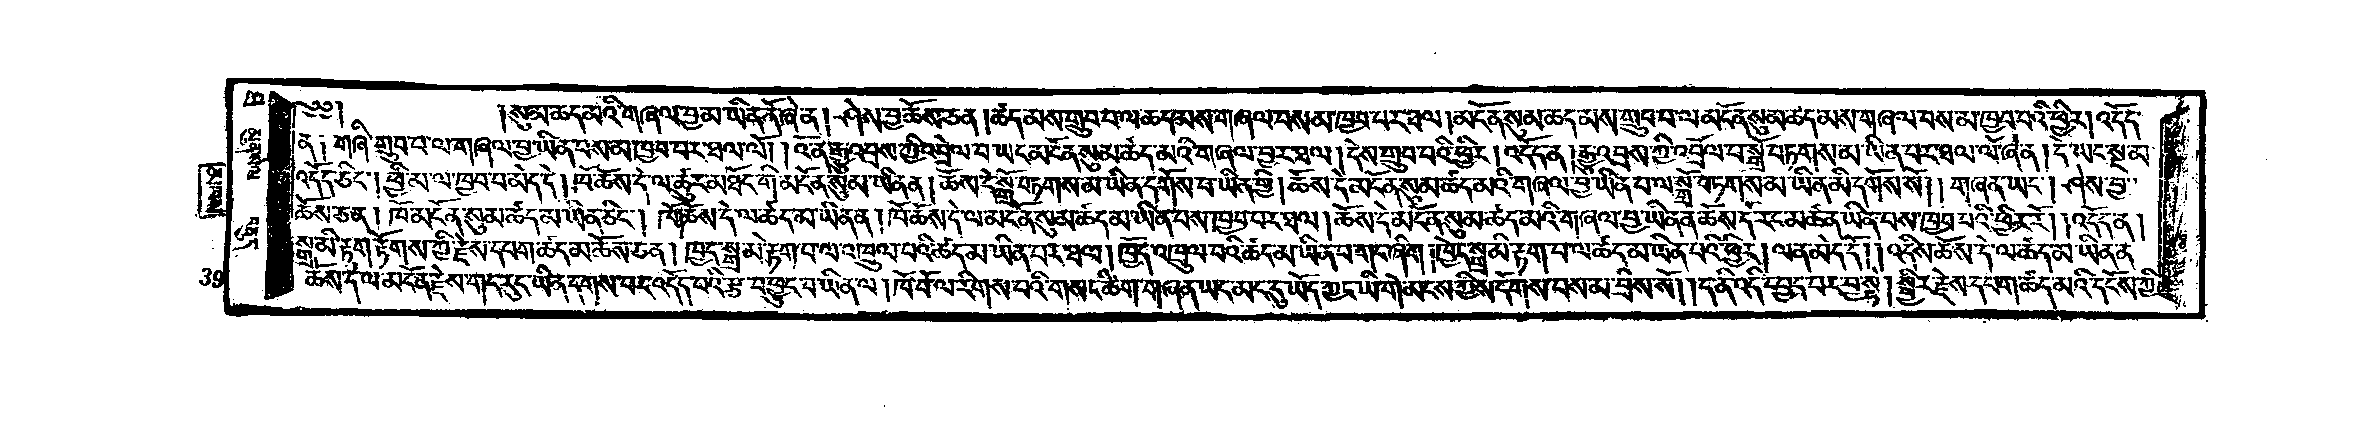༄༅། །སུམ་ཚད་མའི་གཞལ་བྱ་མ་ཡིན་ནོ་ཞེ་ན། ཤེས་བྱ་ཆོས་ཅན། ཚད་མས་གྲུབ་པ་ལ་ཚད་མས་གཞལ་བས་མ་ཁྱབ་པར་ཐལ། མངོན་སུམ་ཚད་མས་གྲུབ་པ་ལ་མངོན་སུམ་ཚད་མས་གཞལ་བས་?་མ་ཁྱབ་པའི་ཕྱིར། འདོད་
ན༑ གཞི་གྲུབ་པ་ལ་གཞལ་བྱ་?་ཡིན་པས་མ་ཁྱབ་པར་ཐལ་ལོ། །འོ་ན་རྒྱུ་འབྲས་ཀྱི་འབྲེལ་པ་ཡང་མངོན་སུམ་ཚེད་མའི་གཞལ་བྱར་ཐལ། དེས་གྲུབ་པའི་ཕྱིར། འདོད་ན། རྒྱུ་འབྲས་ཀྱི་འབྲེལ་བ་སྒྲོ་བཏགས་མ་ཡིན་པར་ཐལ་ལོ་ཞེ་ན། དེ་ཡང་སྔ་མ་
འདོད་ཅིང་། ཕྱི་མ་ལ་ཁྱབ་པ་མེད་དེ། ཁོ་ཆེས་དེ་ལ་ཚུར་མཐོང་གི་མངོན་སུམ་ཡིན་ན། ཆོས་དེ་སྒྲོ་བཏགས་མ་ཡིན་དགོས་པ་ཡིན་གྱི། ཆོས་དེ་མངོན་སུམ་ཚད་མའི་གཞལ་བྱ་ཡིན་པ་ལ་སྒྲོ་བཏགས་མ་ཡིན་མི་དགོས་སོ། །གཞན་ཡང་། ཤེས་བྱ་
ཆོས་ཅན། ཁོ་མངོན་སུམ་ཚད་མ་ཡིན་ཅིང་། ཁོ་ཆོས་དེ་ལ་ཚད་མ་ཡིན་ན། ཁོ་ཆོས་དེ་ལ་མངོན་སུམ་ཚད་མ་ཡིན་པས་ཁྱབ་པར་ཐལ། ཆོས་དེ་མངོན་སུམ་ཚད་མའི་གཞལ་བྱ་ཡིན་ན་ཆོས་དེ་རང་མཚན་ཡིན་པས་ཁྱབ་པའི་ཕྱིར་རོ། །འདོད་ན།
སྒྲ་མ་རྟག་རྟོགས་?་ཀྱི་རྗེས་དཔག་ཚད་མ་ཆོས་ཅན། ཁྱད་སྒྲ་མི་རྟག་པ་ལ་འཁྲུལ་པའི་ཚད་མ་ཡིན་པར་ཐལ། ཁྱོད་འཁྲུལ་པའི་ཚད་མ་ཡིན་པ་གང་ཞིག །ཁྱེད་སྒྲ་མི་རྟག་པ་ལ་ཚད་མ་ཡིན་པའི་ཕྱིར། ལན་མེད་དོ། །འདི་ཆོས་དེ་ལ་ཚད་མ་ཡིན་ན་
ཆོས་དེ་ལ་མངོན་རྗེས་གང་རུང་ཡིན་དགོས་པར་འདོད་པའི་རྩ་བ་ཕྱུང་བ་ཡིན་ལ། ཁོ་བོ་ལ་རིགས་པའི་གསང་ཚིག་གཞན་ཡང་མང་དུ་ཡོད་ཀྱང་ཡི་གེ་མ་?་ངས་ཀྱིས་དོགས་པས་མ་བྲིས་སོ། །ད་ནི་འདི་དཔྱད་པར་བྱ་སྟེ། སྤྱིར་རྗེས་དཔག་ཚད་མའི་དངོས་ཀྱི་